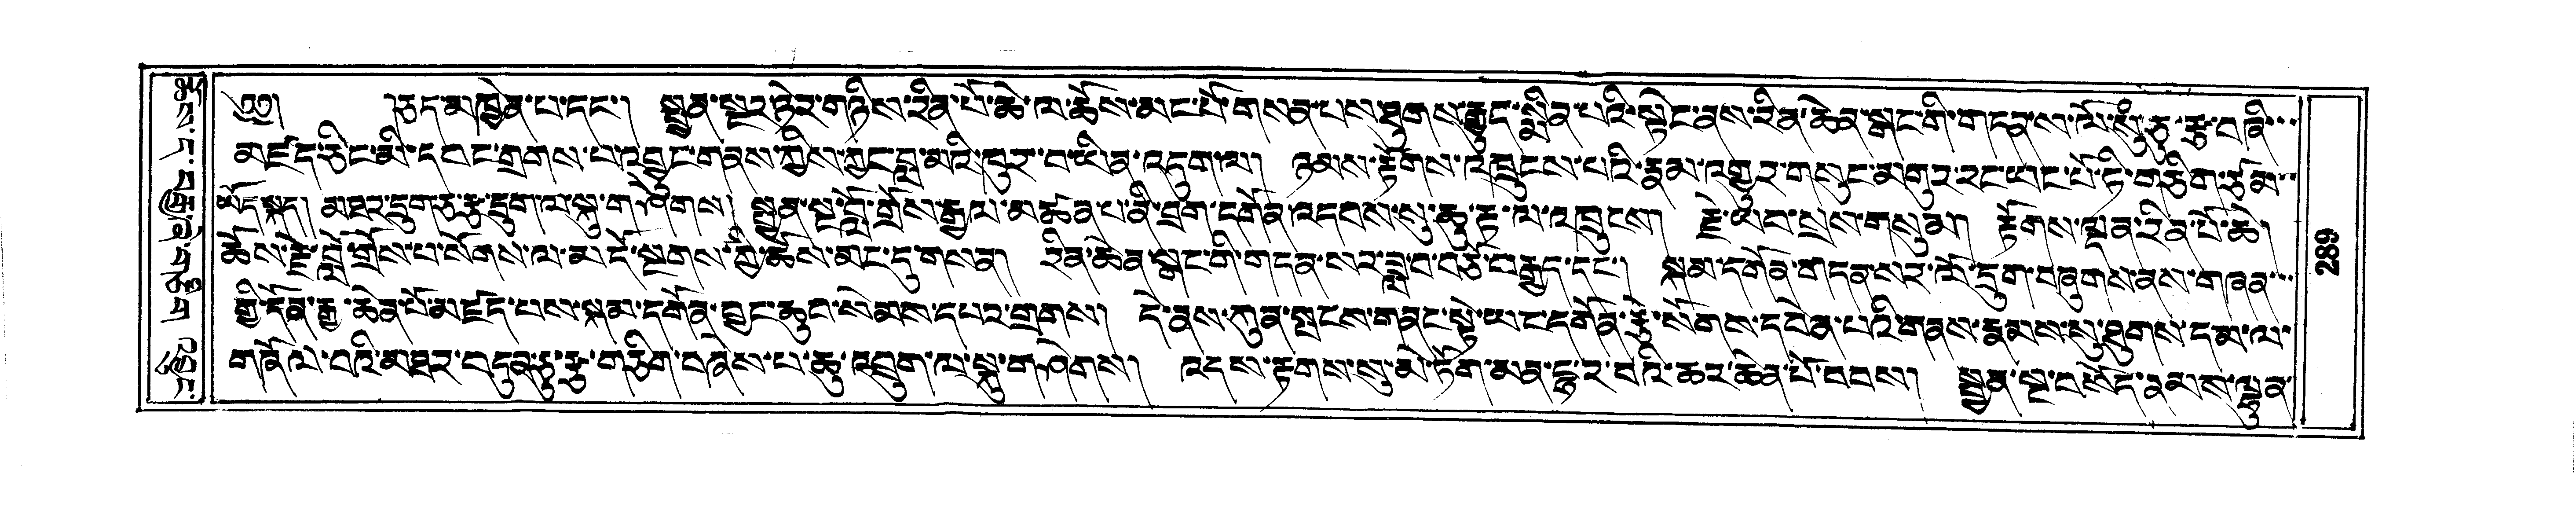༄༅། །ཅད་མཁྱེན་པ་དང་། སྤྱན་སྔར་ཉེར་གཉིས་རིན་པོ་ཆེ་ལ་ཆོས་མང་པོ་གསན་པས་ཐུགས་རྒྱུད་སྨིན་པའི་སྟེང་ནས་རིན་ཆེན་སྒང་གི་གདན་ས་ལོ་སུཾ་ཅུ་རྩ་བཞི་
མཛད་ཅིང་མི་དབང་གྲགས་པ་འབྱུང་གནས་ཀྱིས་ཀྱང་བླ་མའི་ཁུར་བ་ཡིན་འདུག་ལ། ཉམས་རྟོགས་འཁྲུངས་པའི་རྣམ་འགྱུར་གསུང་མགུར་རང་ཡང་པོ་ཏི་གཅིག་ཙམ་
ཡོད་སྐད། མཐར་དྲུག་ཅ་རྩ་དྲུག་ལ་སྐུ་གཤེགས། སྤྱན་སྔ་བློ་གྲོས་རྒྱལ་མཚན་པ་ནི་བྲག་དགོན་འདབས་སུ་ཆུ་རྟ་ལ་འཁྲུངས། རྗེ་ཡབ་སྲས་གསུམ། རྟོགས་ལྡན་རིན་པོ་ཆེ།
ཆོས་རྗེ་བློ་གྲོས་པ་སོགས་ལ་མདོ་སྔགས་ཀྱི་ཆོས་མང་དུ་གསན། རིན་ཆེན་སྒང་གི་གདན་སར་ཟླ་བ་བཅོ་བརྒྱད་དང་། སྐམ་དགོན་གདན་སར་ལོ་དྲུག་བཞུགས་ནས་གཞན་
གྱི་དོན་རྒྱ་ཆེན་པོ་མཛད་པས་སྐམ་དགོན་བྱང་ཆུབ་སེམས་དཔར་གྲགས། དེ་ནས་ཀུན་སྤངས་གནང་སྟེ་ཡང་དགོན་རྩེ་སོགས་དབེན་པའི་གནས་རྣམས་སུ་ཐུགས་དམ་ལ་
གཞོལ་བའི་མཐར་བདུན་ཅུ་རྩ་གཅིག་བཞེས་པ་ཆུ་འབྲུག་ལ་སྐུ་གཤེགས། འདས་རྟགས་སུ་མེ་ཏོག་མན་དྷ་ར་བའི་ཆར་ཆེན་པོ་བབས། སྤྱན་སྔ་བསོད་ནམས་ལྷུན་